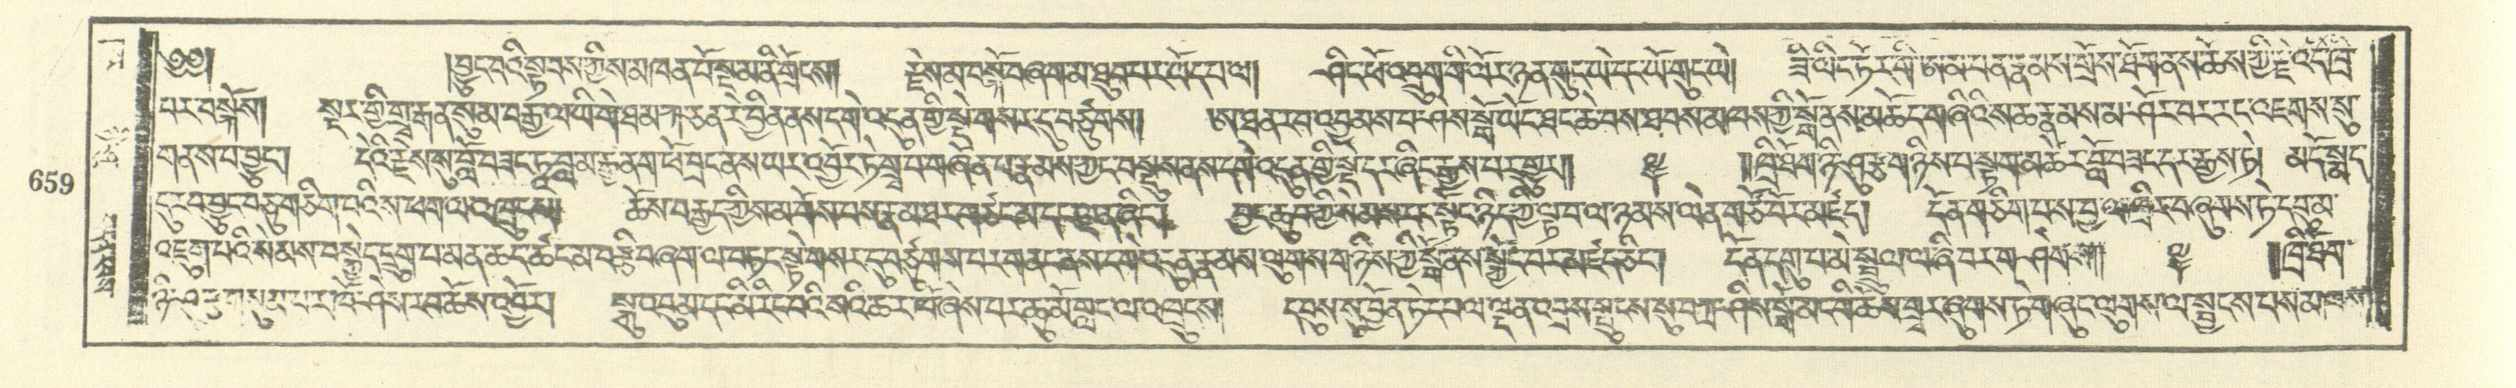༄༅། །བྱུང་བའི་སྟབས་ཀྱིས་མཁན་པོ་སྔ་མ་ནི་གྲོངས། རྗེས་མ་བསྐོ་བཞག་མ་ཐུབ་པར་ཡོད་པ་ལ། ཤིང་ཕོ་འབྲུག་གི་ལོར་ཉན་གུང་ཡེ་དང་ཡོ་གུང་ཡེ། ཟི་ལིང་ཏོར་གི་ཨམ་པན་རྣམས་གྲོས་ཐོག་ནས་ཆོས་ཀྱི་རྗེ་འདི་ཁྲི་
པར་བསྐོས། སྔར་གྱི་གྲྭ་རྒན་སུམ་བརྒྱ་ལ་ཡི་གེ་ཐམ་ཀ་ཅན་རེ་བྱིན་ནས་དགེ་འདུན་གྱི་སྡེ་གསར་དུ་བཙུགས། ཨ་ཐན་རབ་འབྱམས་པ་ཤེས་སྒོ་ཡོང་ཐང་ཆེ་བས་ཐབས་མཁས་ཀྱི་སྒོ་ནས་མཆོད་གཞིའི་ས་ཆ་རྣམས་མ་ཤོར་བར་རང་འཇགས་སུ་
གནས་པ་བྱུང་། དེའི་རྗེས་སུ་བློ་བཟང་ཏཱ་བླ་མ་རྒྱ་ནག་ཕོ་བྲང་ནས་ཡར་འབྱོར་ཏེ་གྲྭ་པ་གཞོན་པ་རྣམས་ཀྱང་བསྡུས་ནས་དགེ་འདུན་གྱི་སྡེ་དར་ཞིང་རྒྱས་པར་གྱུར།། ༈ །།ཁྲི་ཐོག་ཉི་ཤུ་རྩ་གཉིས་པ་སྟག་མཚེར་བློ་བཟང་དར་རྒྱས་ཏེ། མདོ་སྨད་
དུ་རབ་བྱུང་བཅུ་གཅིག་པའི་ས་ཕག་ལ་འཁྲུངས། ཆོས་བརྒྱད་ཀྱིས་མགོས་པས་རྣམ་ཐར་གཙང་མ་དང་ལྡན་ཞིང་། བྱང་ཆུབ་ཀྱི་སེམས་དང་སྟོང་ཉིད་ཀྱི་ལྟ་བ་ལ་ཉམས་ལེན་གཙོ་བོར་མཛད། དོན་གཅིག་པས་བྱ་ལ་ཁྲིར་བཞུགས་ཏེ་དབུ་མ་
འཇུག་པའི་སེམས་བསྐྱེད་དྲུག་པ་མན་ཆད་ཚང་མ་བརྩི་བཞག་ལ་བཏང་སྟེ་གསར་དུ་བཙུགས་པར་གནང་ནས་དགེ་འདུན་རྣམས་ལུགས་གཉིས་ཀྱི་སྒོ་ནས་སྐྱོང་བར་མཛད་ཅིང་། དོན་དགུ་པ་མེ་སྤྲུལ་ལ་ཞི་བར་གཤེགས།། ༈ །།ཁྲི་ཐོག་
ཉི་ཤུ་རྩ་གསུམ་པར་ཁོ་ཤེས་རབ་ཆོས་འབྱོར། སྐུ་འབུམ་དང་མི་རིང་བའི་སའི་ཆ་ར་ཁོ་ཞེས་པར་ཆུ་མོ་གླང་ལ་འཁྲུངས། དབུས་སུ་བྱོན་ཏེ་དཔལ་ལྡན་འབྲས་སྤུངས་སུ་བཀྲ་ཤིས་སྒོ་མང་གི་ཆོས་གྲྭར་ཞུགས་ཏེ་གཞུང་ལུགས་ལ་སྦྱུངས་པས་མཁས་